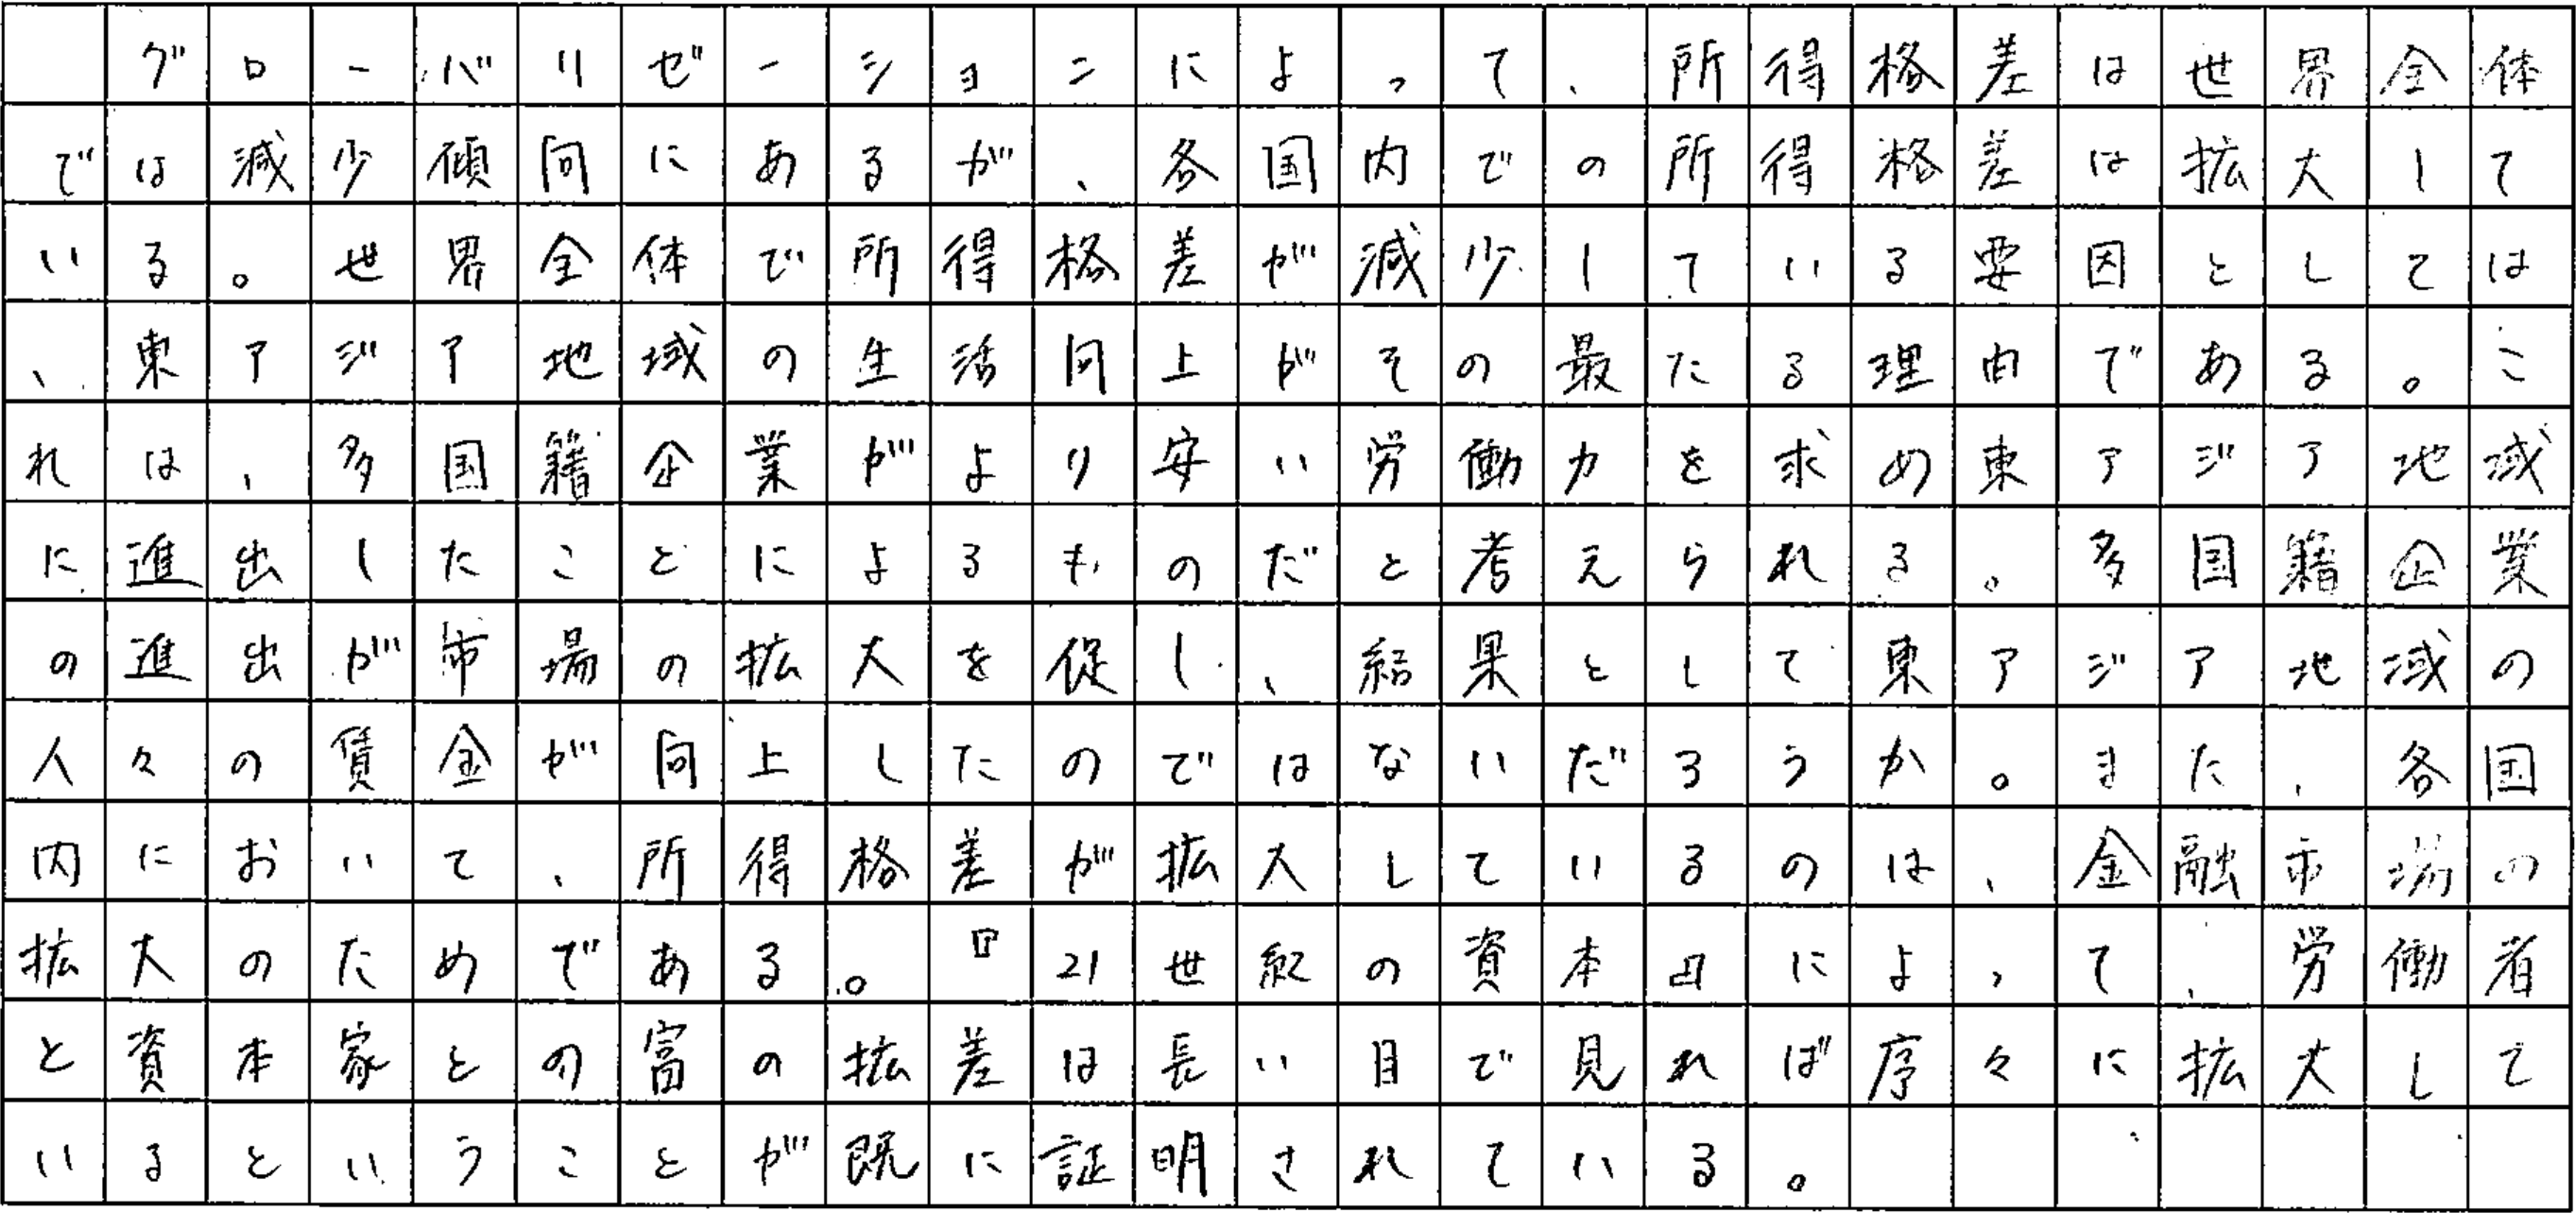　グローバリゼーションによって、所得格差は世界全体では減少傾向にあるが、各国内での所得格差は拡大している。世界全体での所得格差が減少している要因としては、東アジア地域の生活向上がその最たる理由である。これは、多国籍企業がより安い労働力を求め東アジア地域に進出したことによるものだと考えられる。多国籍企業の進出が市場の拡大を促し、結果として東アジア地域の人々の賃金が向上したのではないだろうか。また、各国内において、所得格差が拡大しているのは、金融市場の拡大のためである。『２１世紀の資本』によって、労働者と資本家との富の拡差は長い目で見れば序々に拡大しているということがすでに証明されている。
